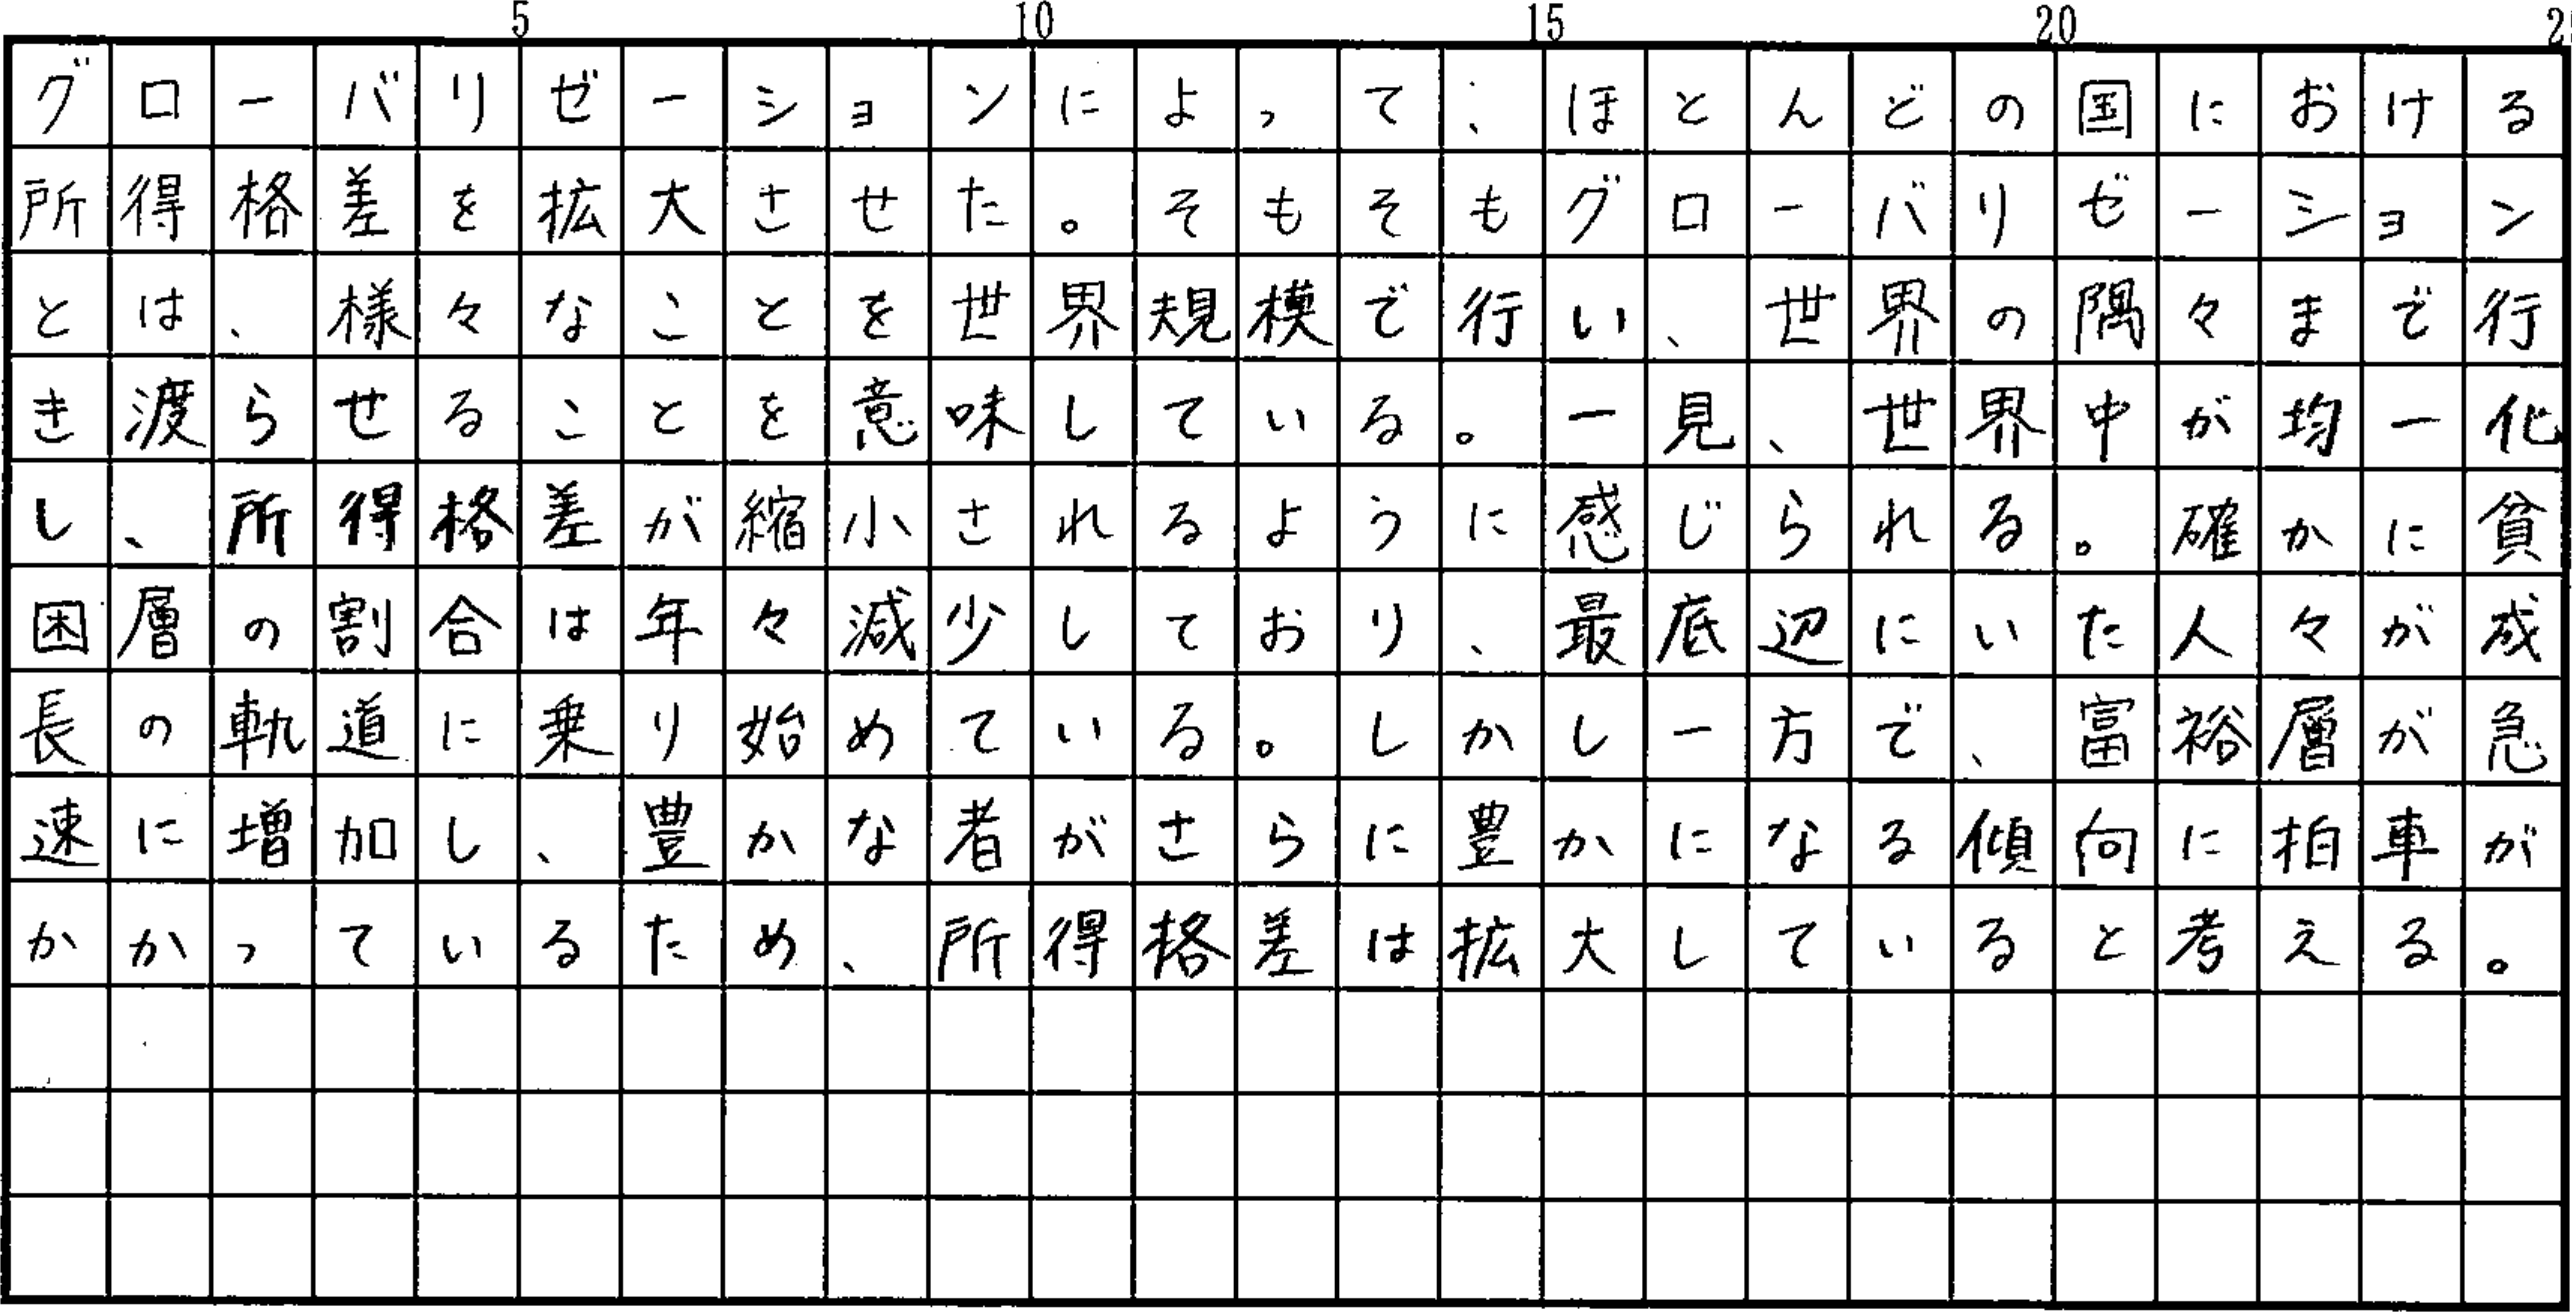グローバリゼーションによって、ほとんどの国における所得格差を拡大させた。そもそもグローバリゼーションとは、様々なことを世界規模で行い、世界の隅々まで行き渡らせることを意味している。一見、世界中が均一化し、所得格差が縮小されるように感じられる。確かに貧困層の割合は年々減少しており、最底辺にいた人々が成長の軌道に乗り始めている。しかし一方で、富裕層が急速に増加し、豊かな者がさらに豊かになる傾向に拍車がかかっているため、所得格差は拡大していると考える。
